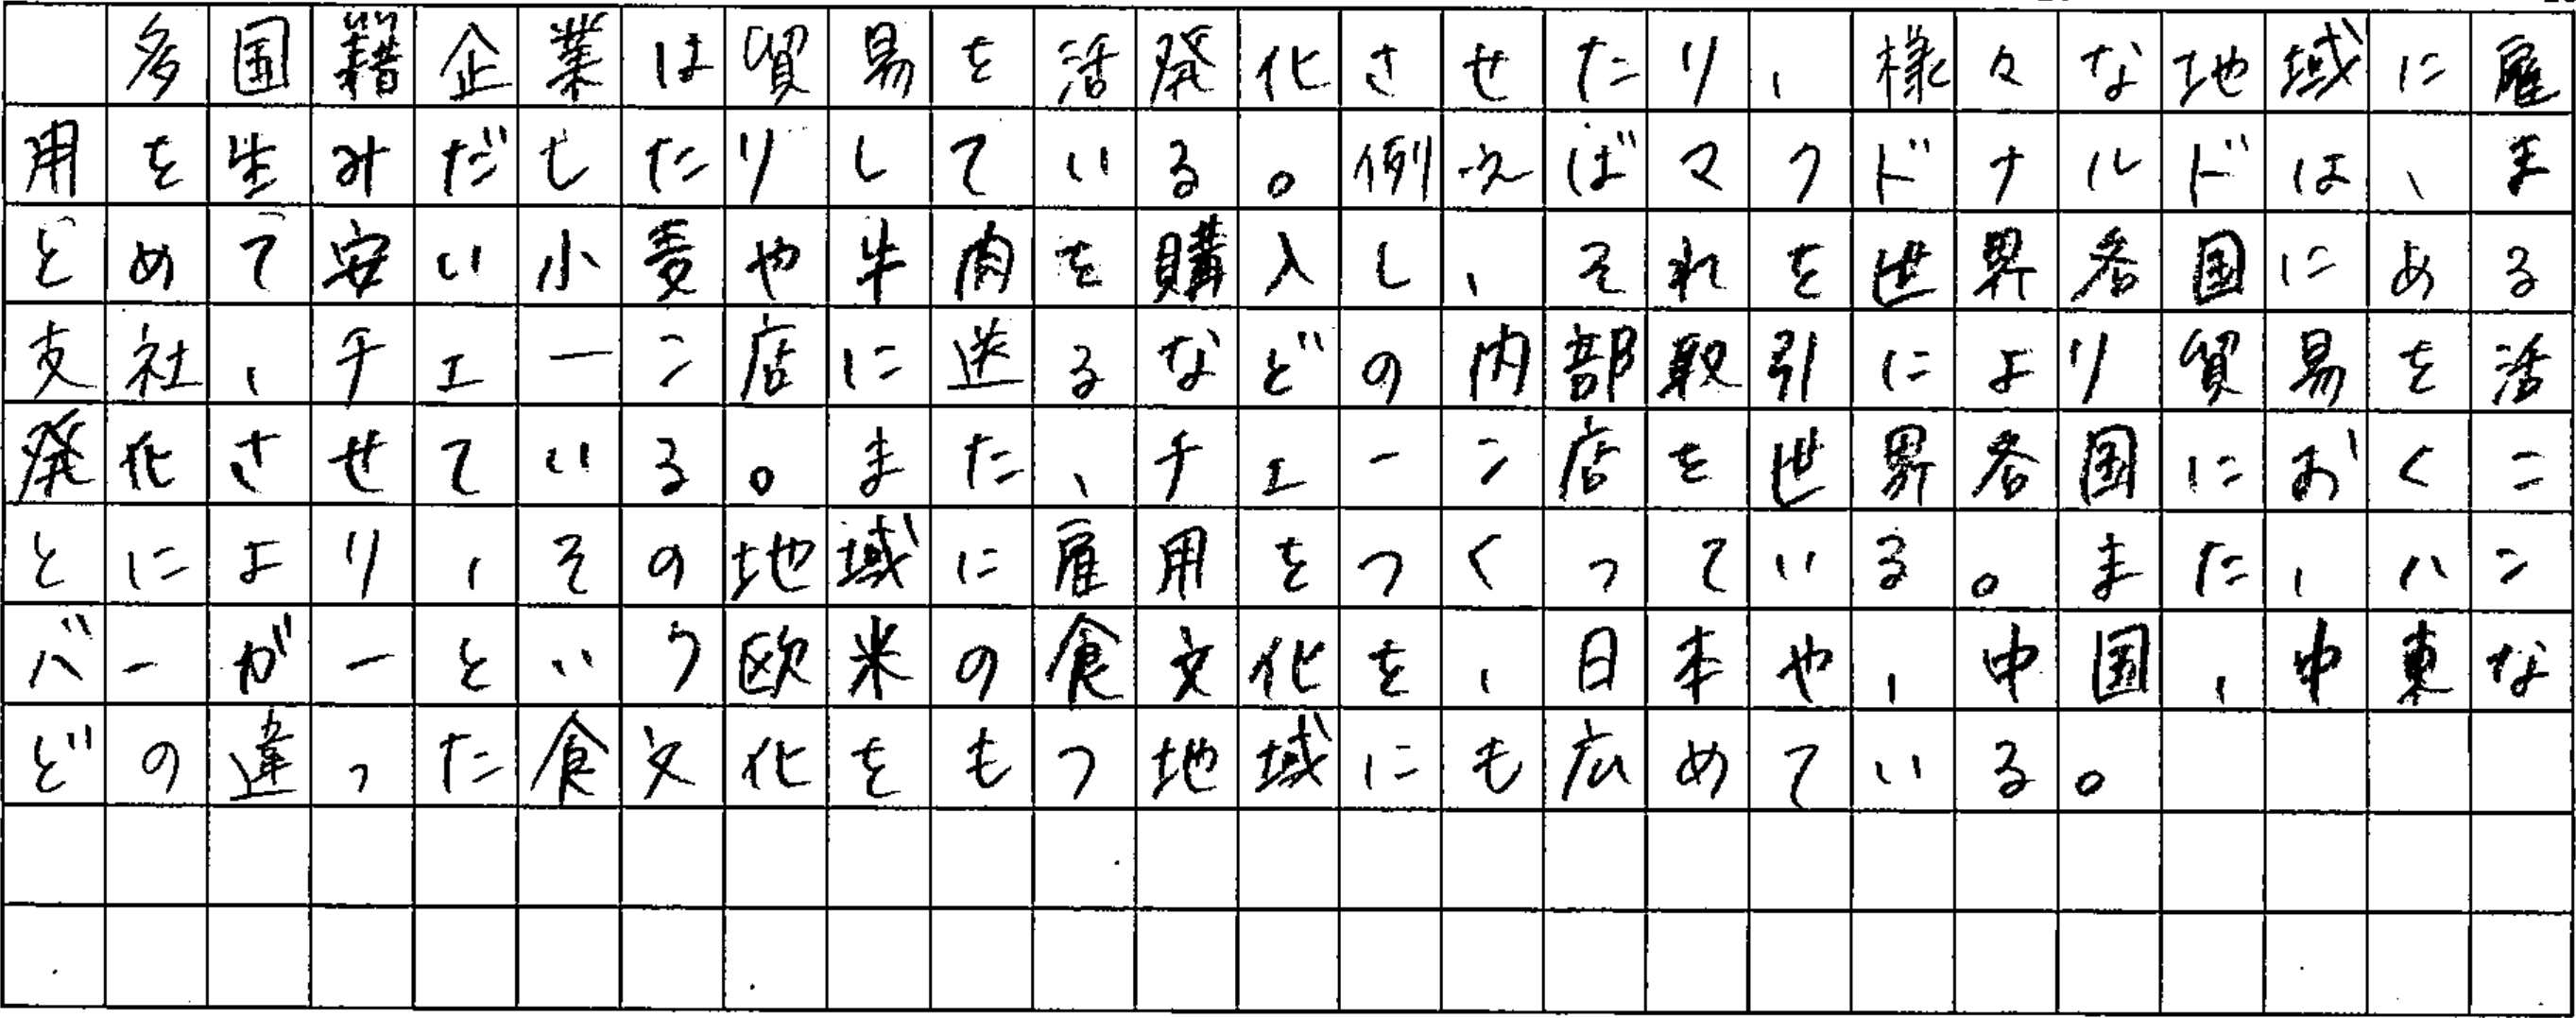　多国籍企業は貿易を活発化させたり、様々な地域に雇用を生みだしたりしている。例えばマクドナルドは、まとめて安い小麦や牛肉を購入し、それを世界各国にある支社、チェーン店に送るなどの内部取引により貿易を活発化させている。また、チェーン店を世界各国におくことにより、その地域に雇用をつくっている。また、ハンバーガーという欧米の食文化を、日本や、中国、中東などの違った食文化をもつ地域にも広めている。
